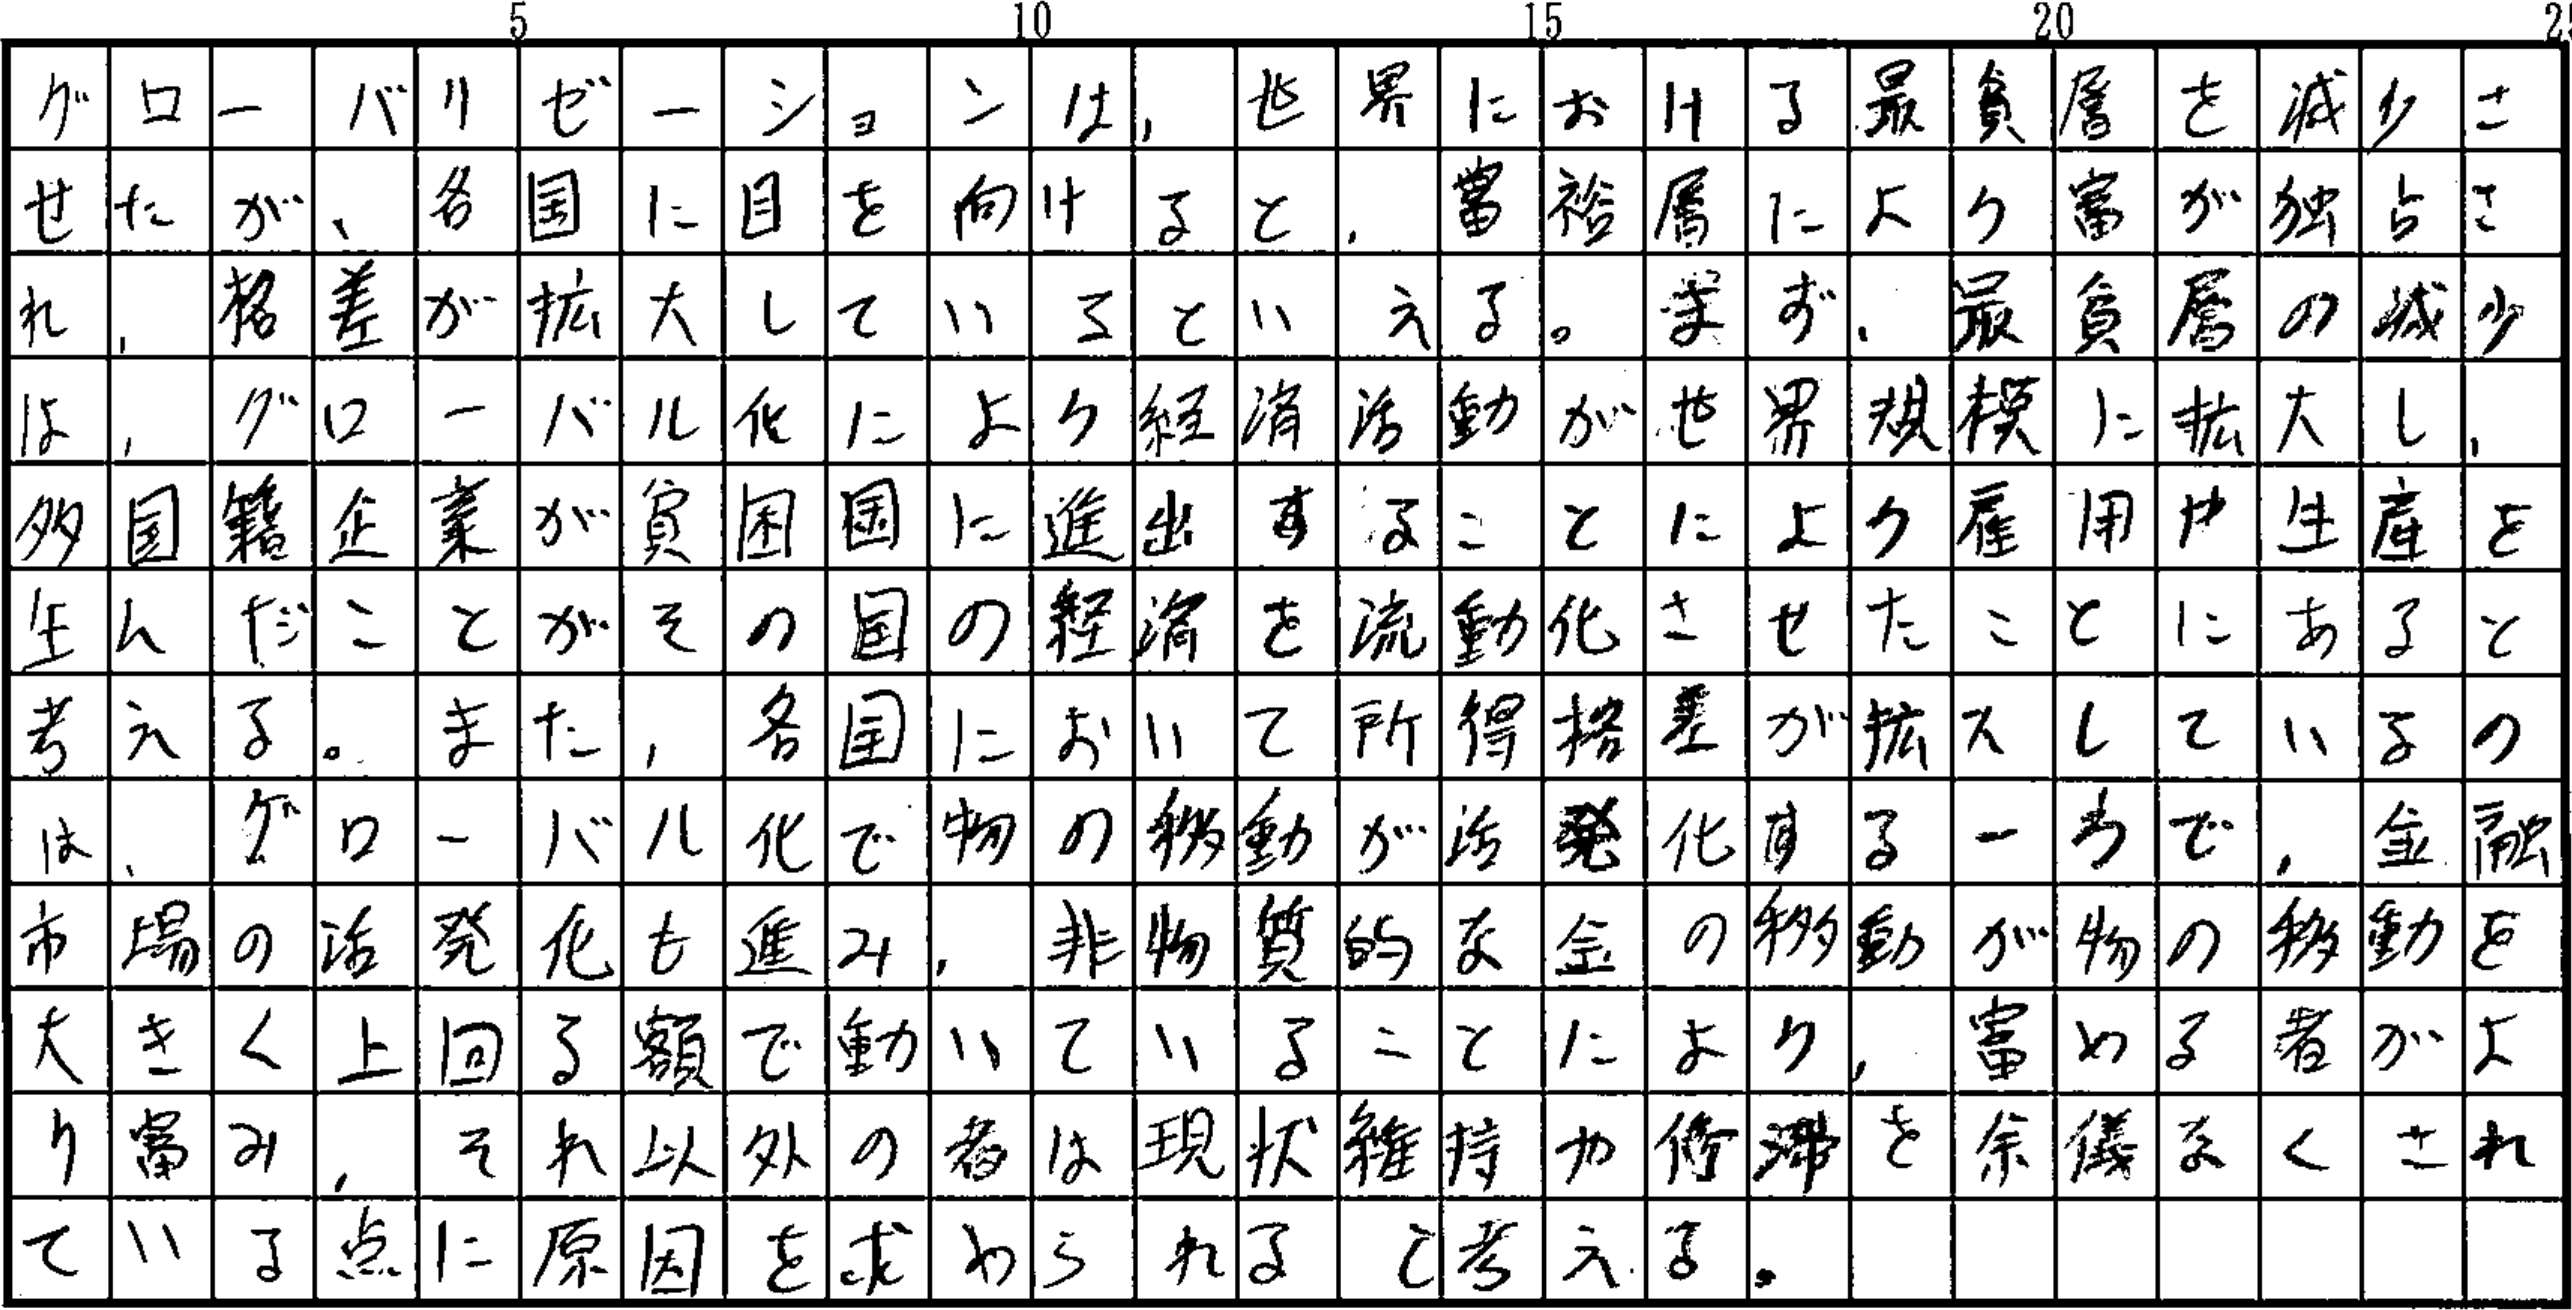グローバリゼーションは、世界における最貧層を減少させたが、各国に目を向けると、富裕層により富が独占され、格差が拡大しているといえる。まず、最貧層の減少は、グローバル化により経済活動が世界規模に拡大し、多国籍企業が貧困国に進出することにより雇用や生産を生んだことがその国の経済を流動化させたことにあると考える。また、各国において所得格差が拡大しているのは、グローバル化で物の移動が活発化する一方で、金融市場の活発化も進み、非物質的な金の移動が物の移動を大きく上回る額で動いていることにより、富める者がより富み、それ以外の者は現状維持や停滞を余儀なくされている点に原因を求められると考える。
